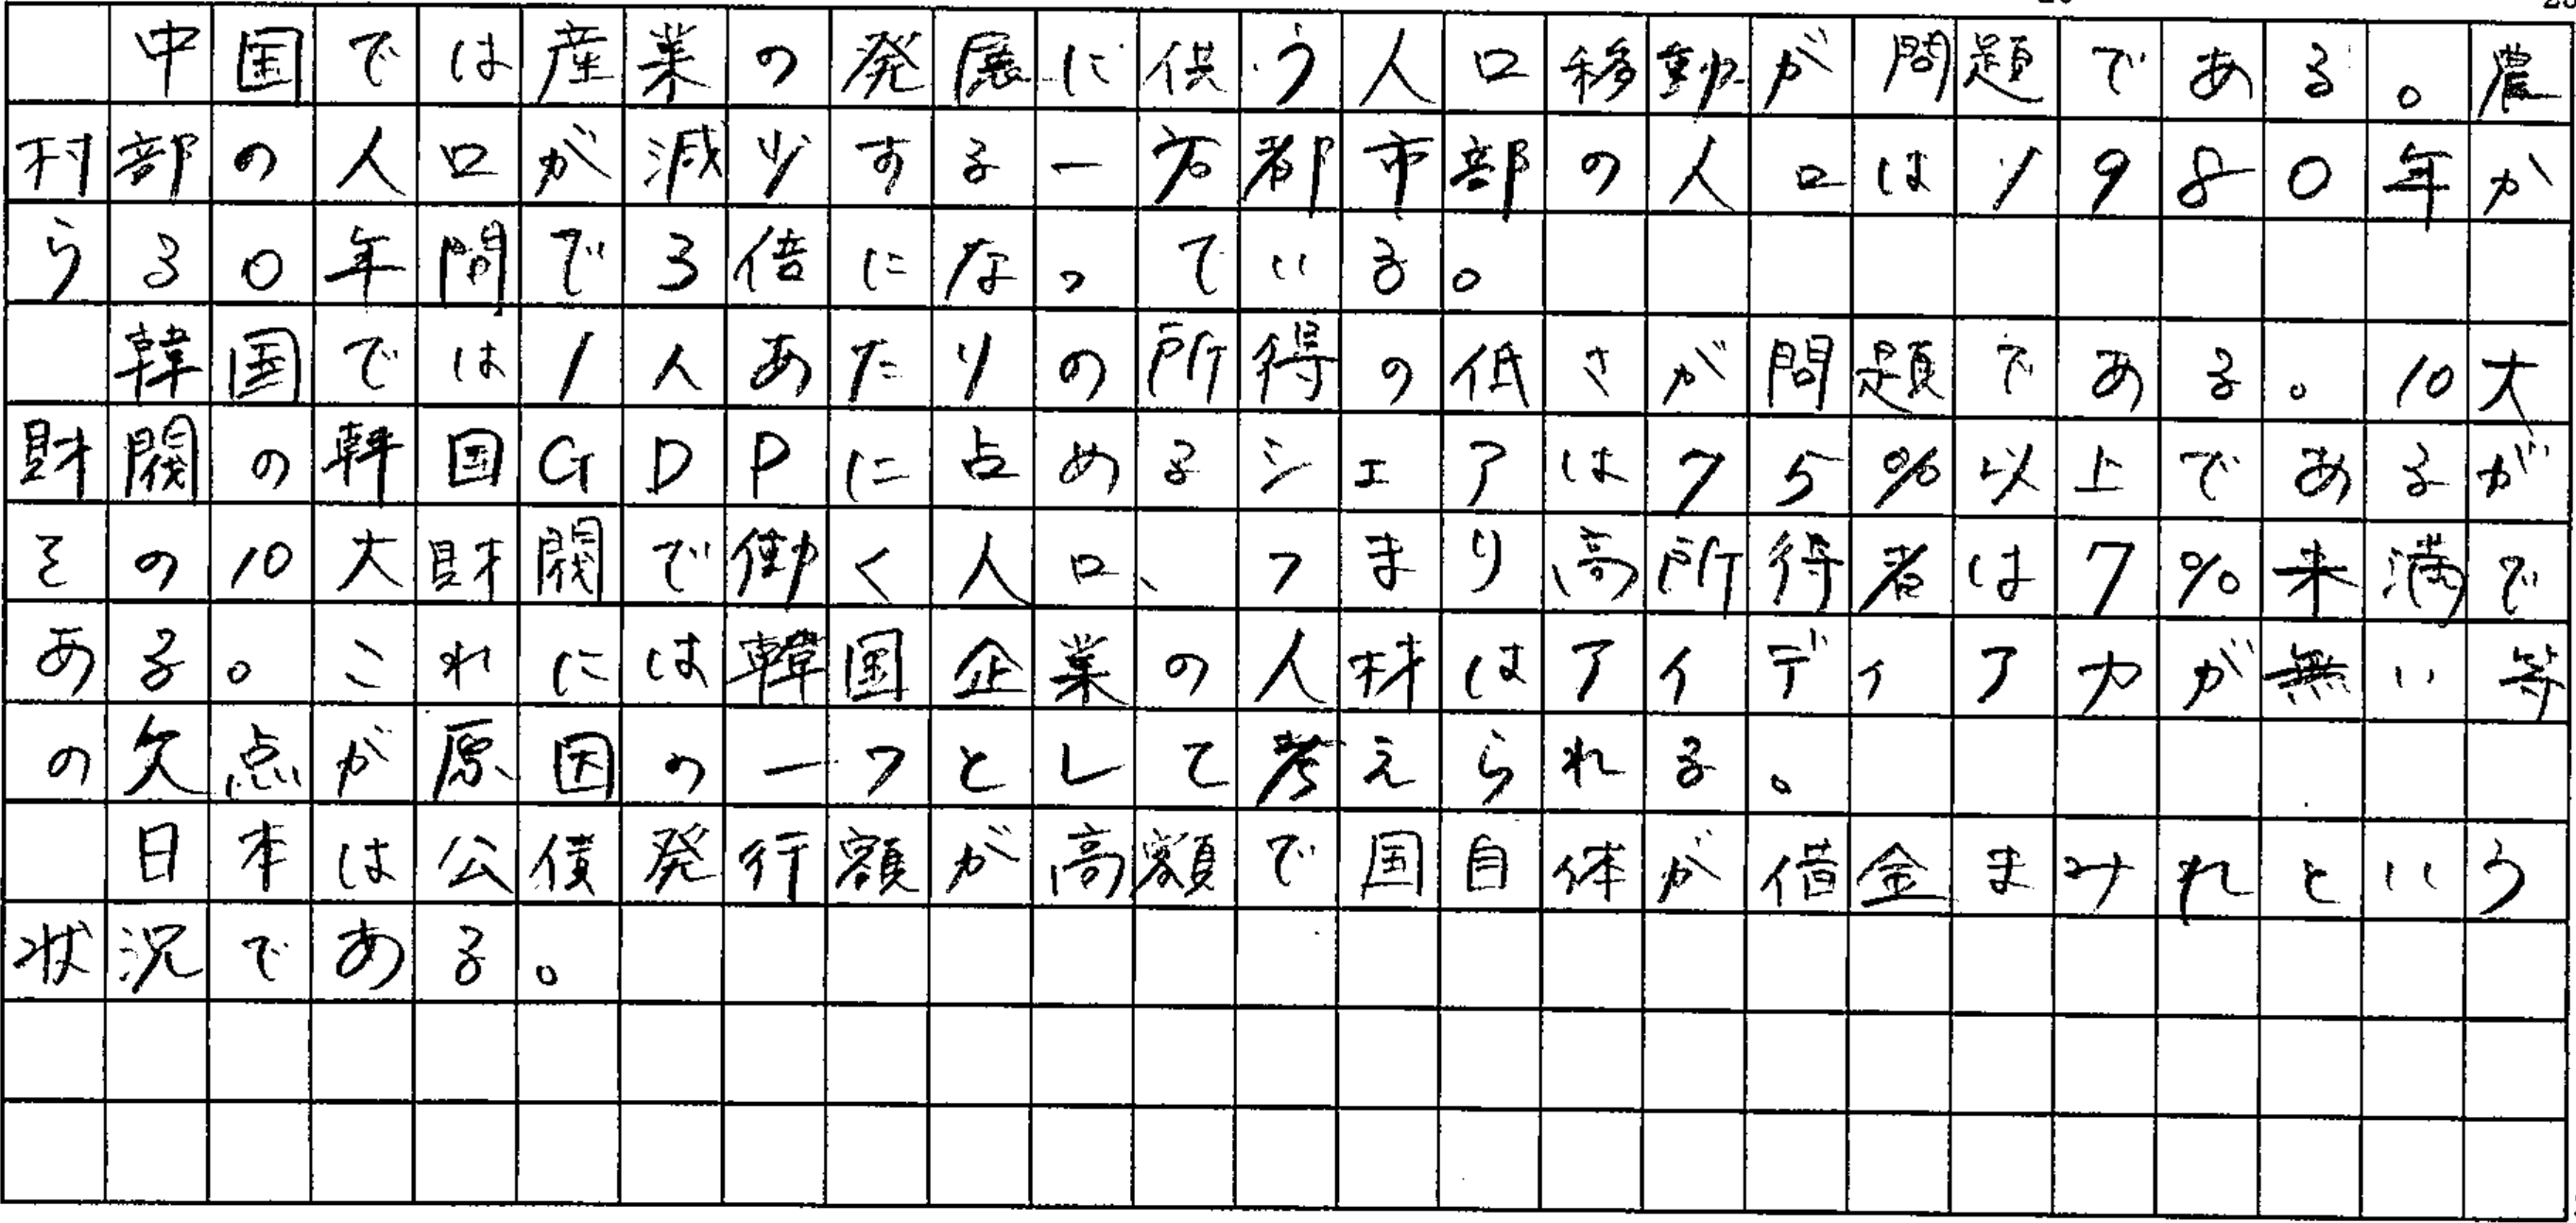　中国では産業の発展に供う人口移動が問題である。農村部の人口が減少する一方都市部の人口は１９８０年から３０年間で３倍になっている。
　韓国では１人あたりの所得の低さが問題である。１０大財閥の韓国ＧＤＰに占めるシェアは７５％以上であるがその10大財閥で働く人口、つまり高所得者は７％未満である。これには韓国企業の人材はアイディア力が無い等の欠点が原因の一つとして考えられる。
　日本は公債発行額が高額で国自体が借金まみれという状況である。
